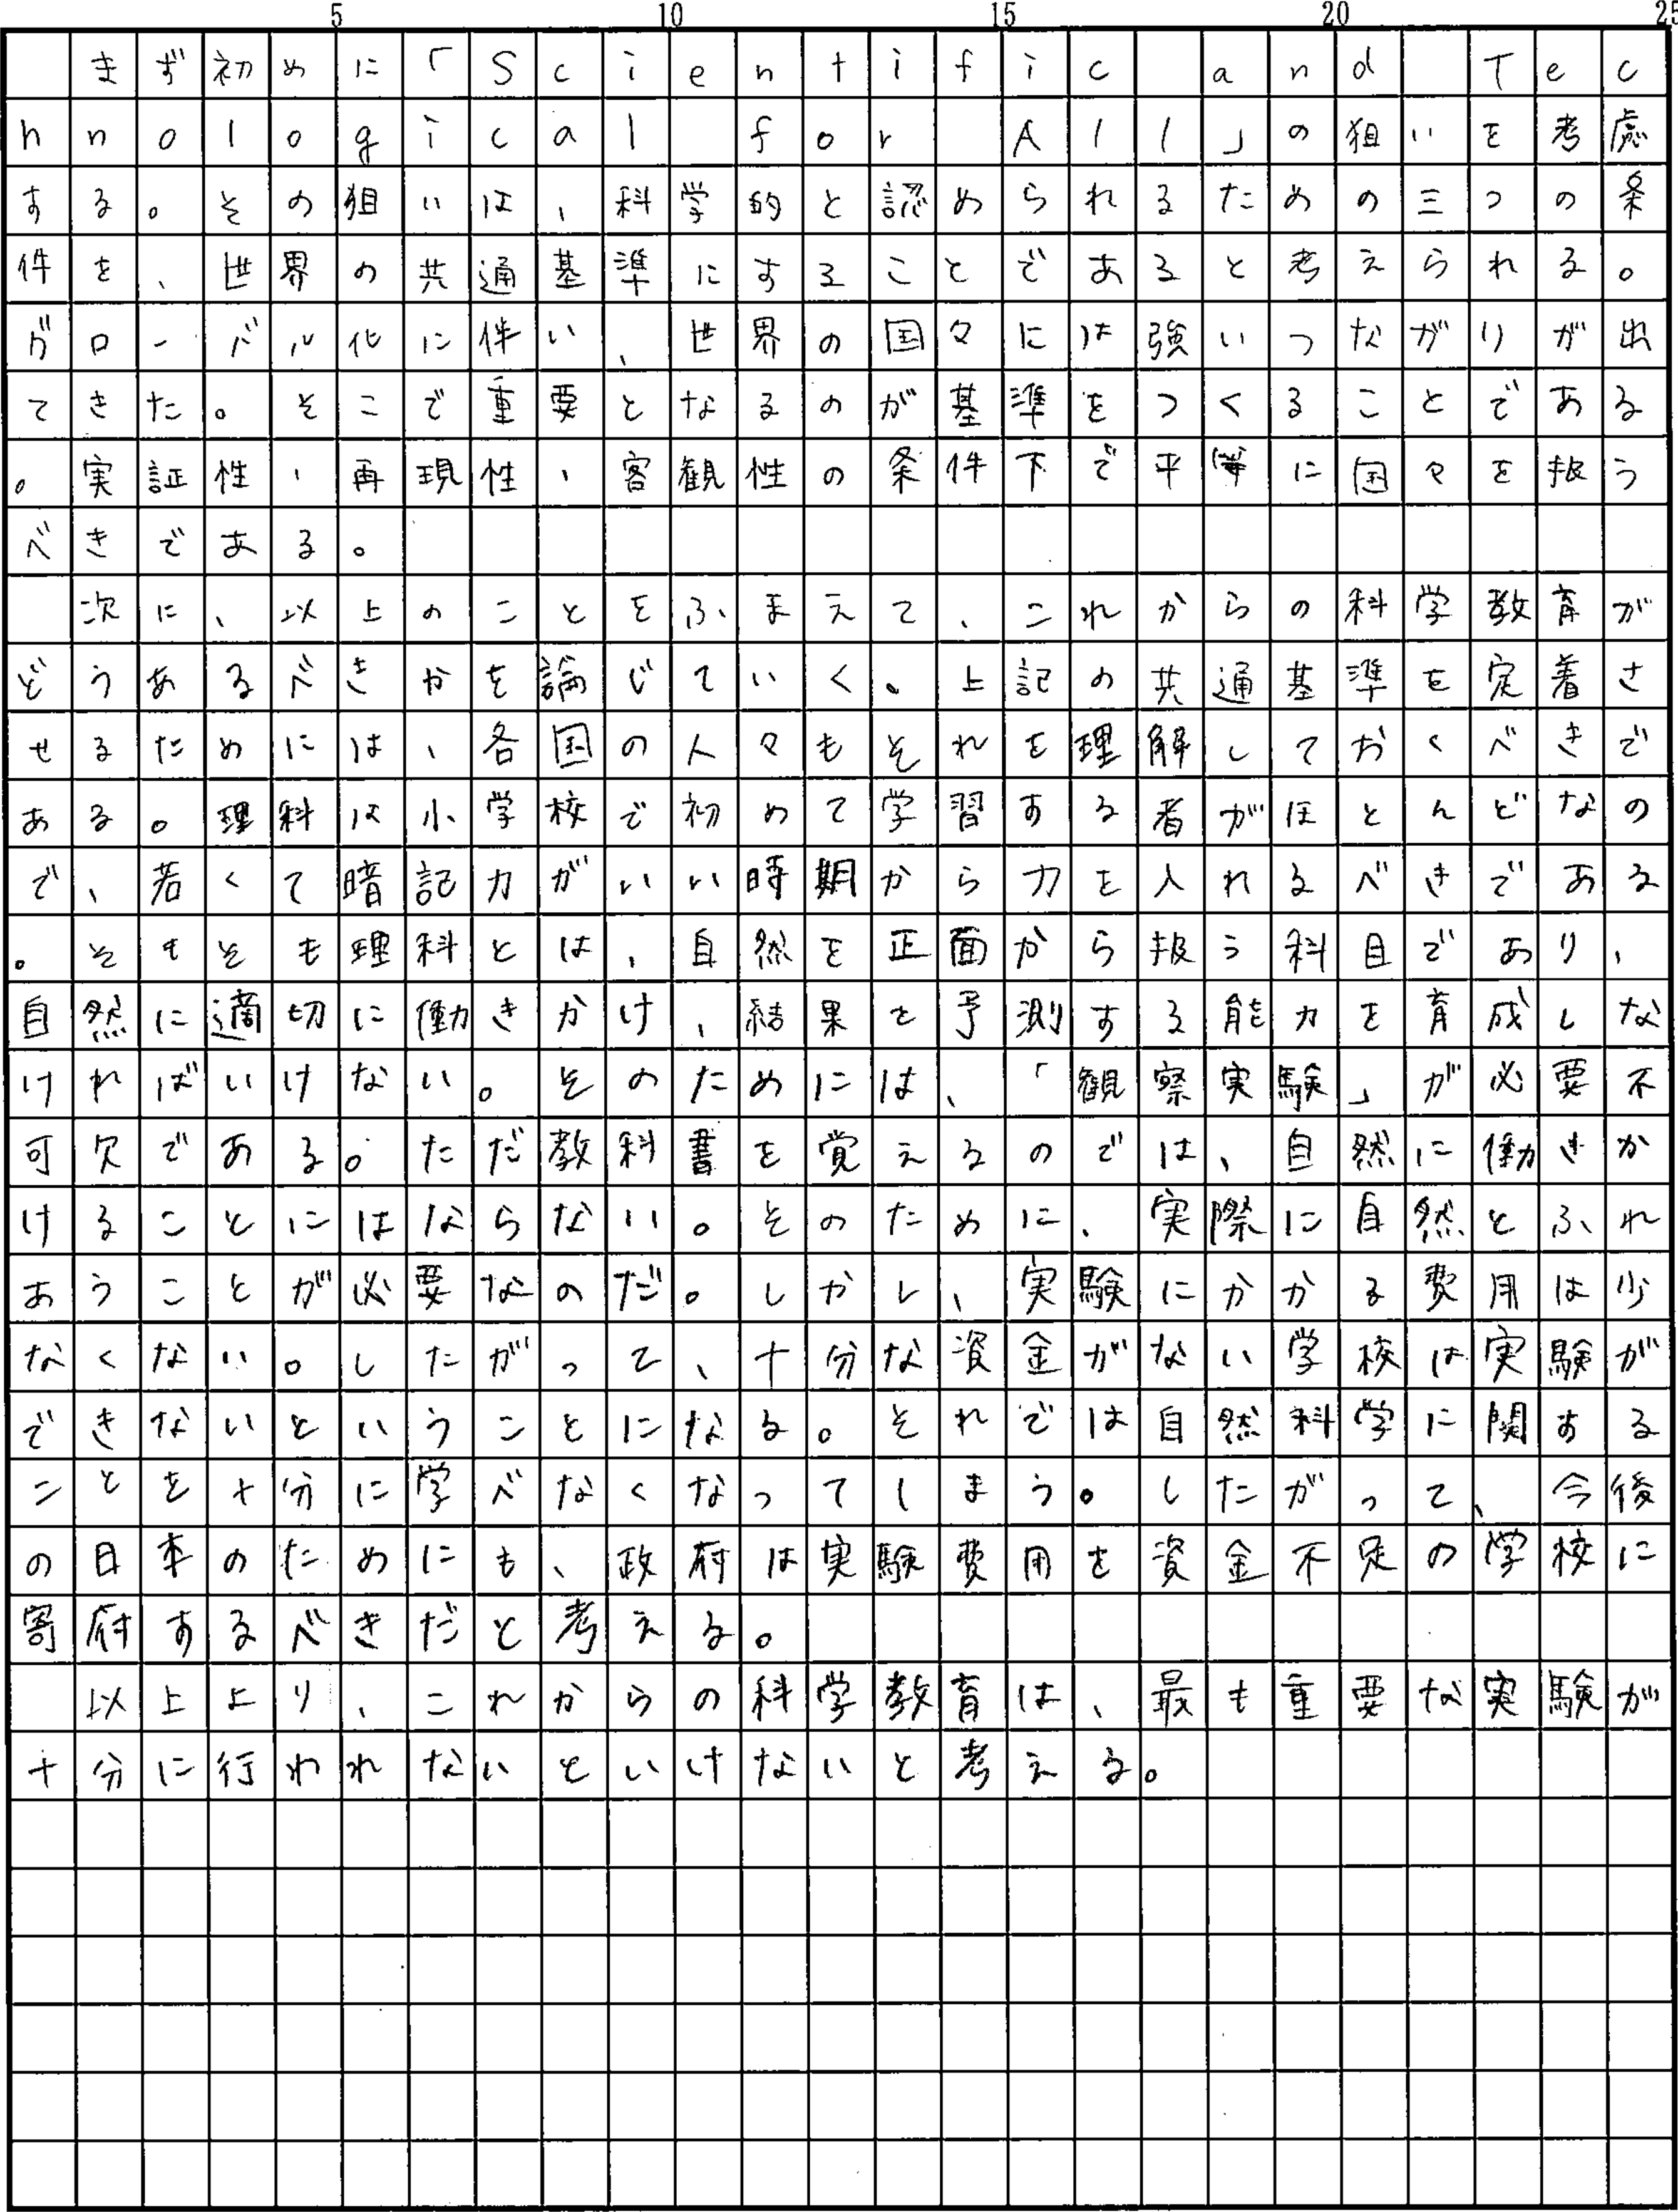　まず初めに「Ｓｃｉｅｎｔｉｆｉｃ　ａｎｄ　Ｔｅｃｈｎｏｌｏｇｉｃａｌ　Ｌｉｔｅｒａｃｙ　ｆｏｒ　Ａｌｌ」の狙いを考慮する。その狙いは、科学的と認められるための三つの条件を、世界の共通基準にすることであると考えられる。グローバル化に伴い、世界の国々には強いつながりが出てきた。そこで重要となるのが基準をつくることである。実証性・再現性・客観性の条件下で平等に国々を扱うべきである。
　次に、以上のことをふまえて、これからの科学教育がどうあるべきかを論じていく。上記の共通基準を定着させるためには、各国の人々もそれを理解しておくべきである。理科は小学校で初めて学習する者がほとんどなので、若くて暗記力がいい時期から力を入れるべきである。そもそも理科とは、自然を正面から扱う科目であり、自然に適切に働きかけ、結果を予測する能力を育成しなければいけない。そのためには、「観察実験」が必要不可欠である。ただ教科書を覚えるのでは、自然に働きかけることにはならない。そのために、実際に自然とふれあうことが必要なのだ。しかし、実験にかかる費用は少なくない。したがって、十分な資金がない学校は実験ができないということになる。それでは自然科学に関することを十分に学べなくなってしまう。したがって、今後の日本のためにも、政府は実験費用を資金不足の学校に寄府するべきだと考える。
　以上より、これからの科学教育は、最も重要な実験が十分に行われないといけないと考える。
